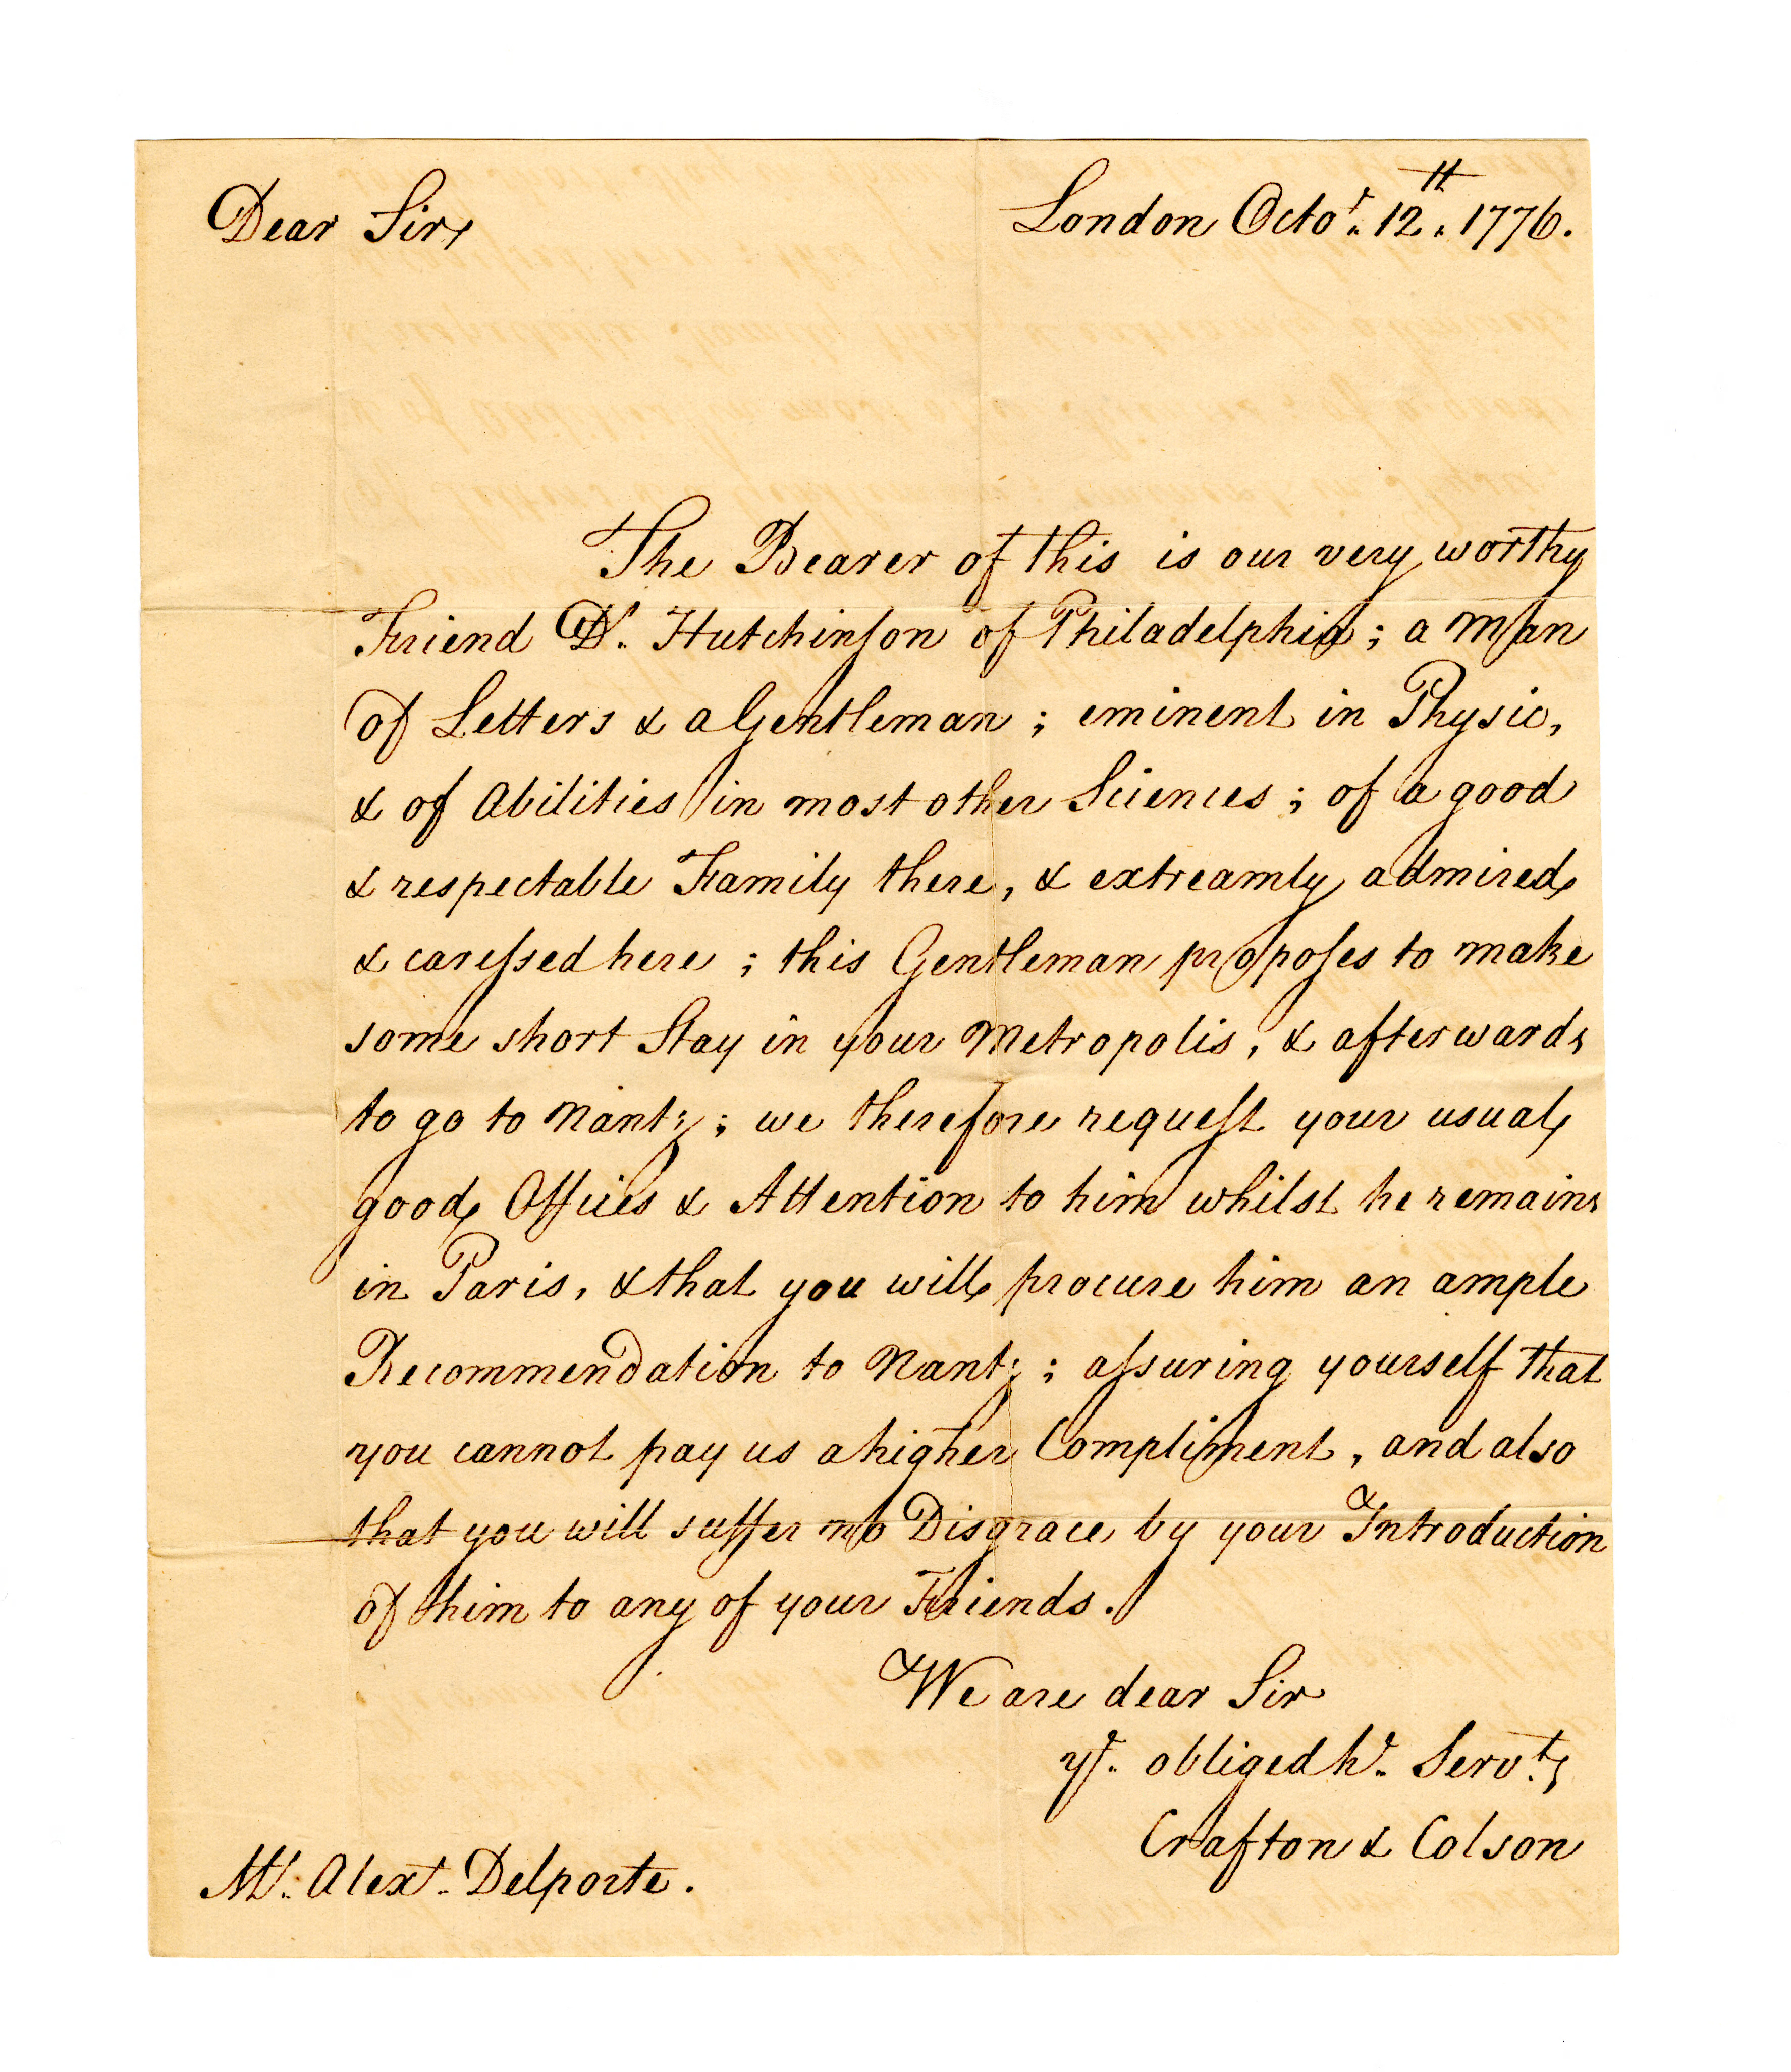London Octo^r. 12^th. 1776.
Dear Sir
The Bearer of this is our very worthy
Friend D^r. Hutchinson of Philadelphia; a man
of Letters & a Gentleman; eminent in Physic,
& of Abilities in most other Sciences; of a good
& respectable Family there, & extreamly admired,
& caressed here; this Gentleman proposes to make
some short Stay in your metropolis, & afterwards
to go to Nantz; we therefore request your usual
good Offices & Attention to him whilst he remains
in Paris, & that you will procure him an ample
Recommendation to Nantz; assuring yourself that
you cannot pay us a higher Compliment, and also
that you will suffer no Disgrace by your Introduction
of him to any of your Friends.
We are dear Sir
y^r. obliged h^l. Serv^ts.
Crafton & Colson
M^r. Alex^r. Delporte.